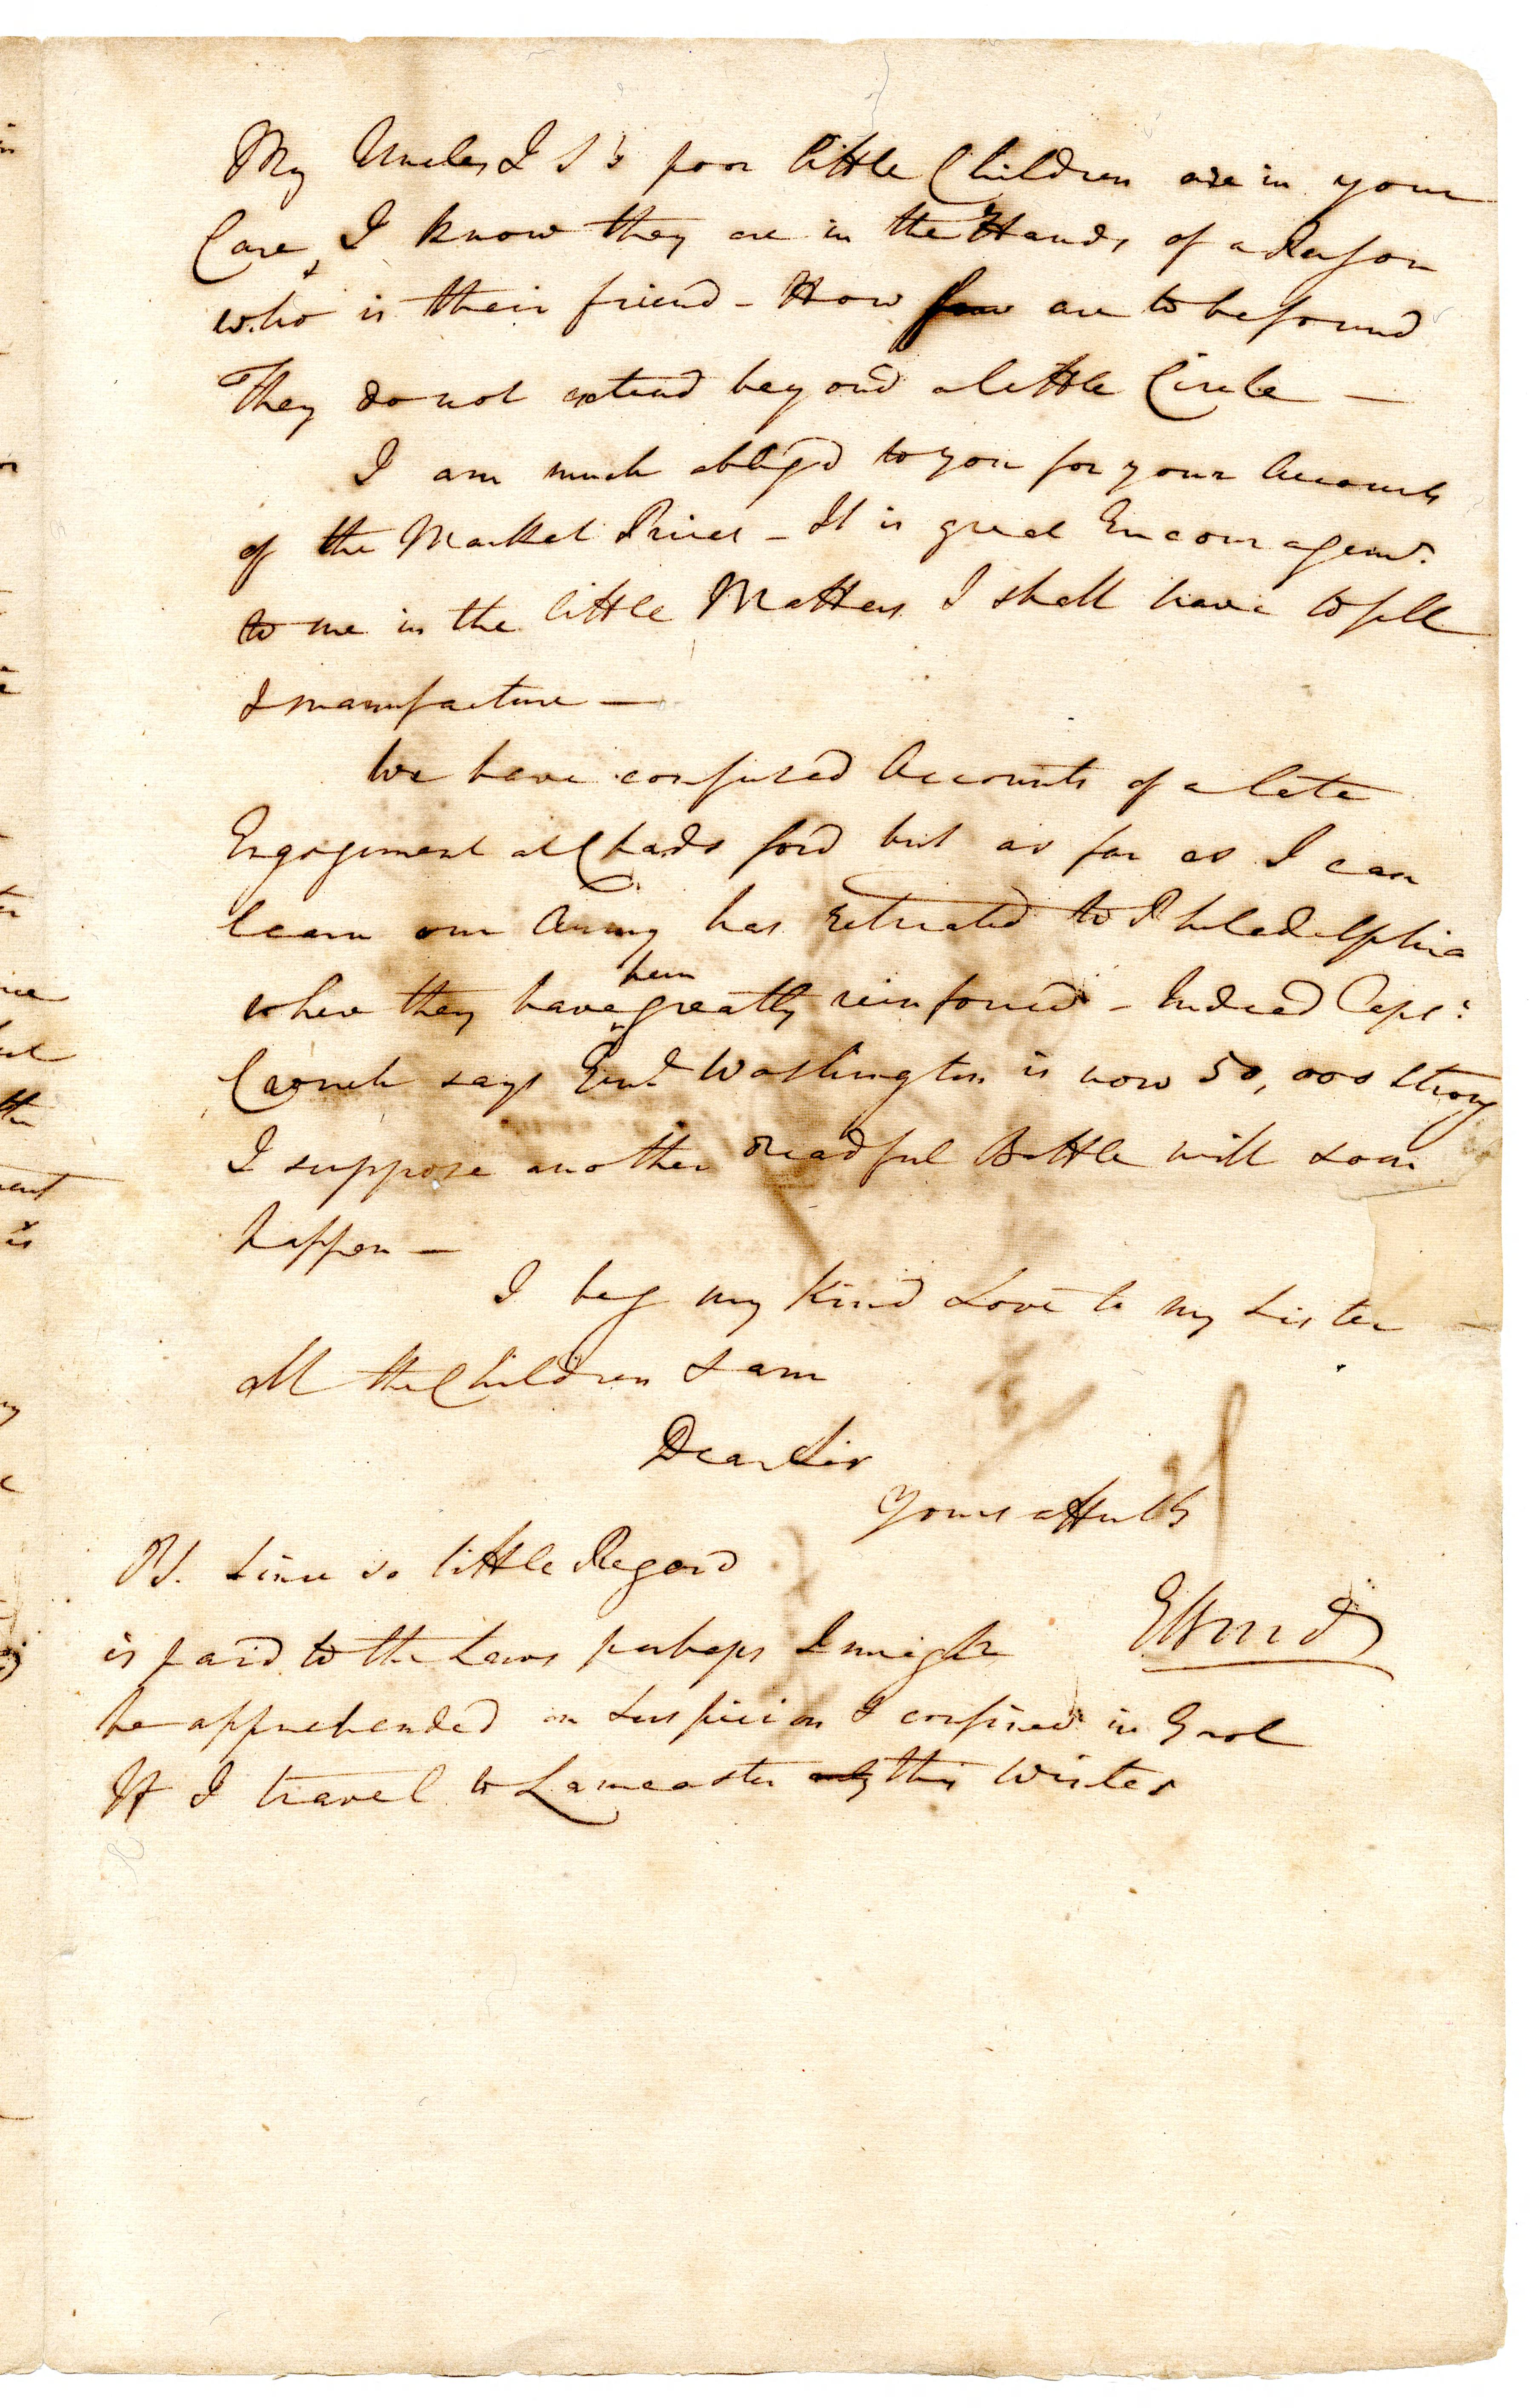My Uncle, JS's poor little Children are in your
Care, I know they are in the Hands of a Reason
who is their friend- How few are to be formed
They do not instead beg and a little Circle
I am much obligd to you for your Account
of the Market River- It is great Encouragement
to me in the little Matters I shall have to sell
& manufacture.
We have confused Accounts of a late
Engagement at Chads ford but as far as I can
learn our Army has retreated to Philadelphia
been
where they have ^been greatly reinforced- Indeed Capt.
Caouch says Gen^l. Washington is now 50,000 strong
I suppose another dreadful Battle will soon
happen-
I beg my kind Love to my Sister
all the Children I am
Dear Sir
Your affect^e
Ed. Burd
PS. Since so little Regard
is paid to the Laws perhaps I might
be apprehended on Suspicion & confined in Gaol
If I travel to Lancaster [___] this winter